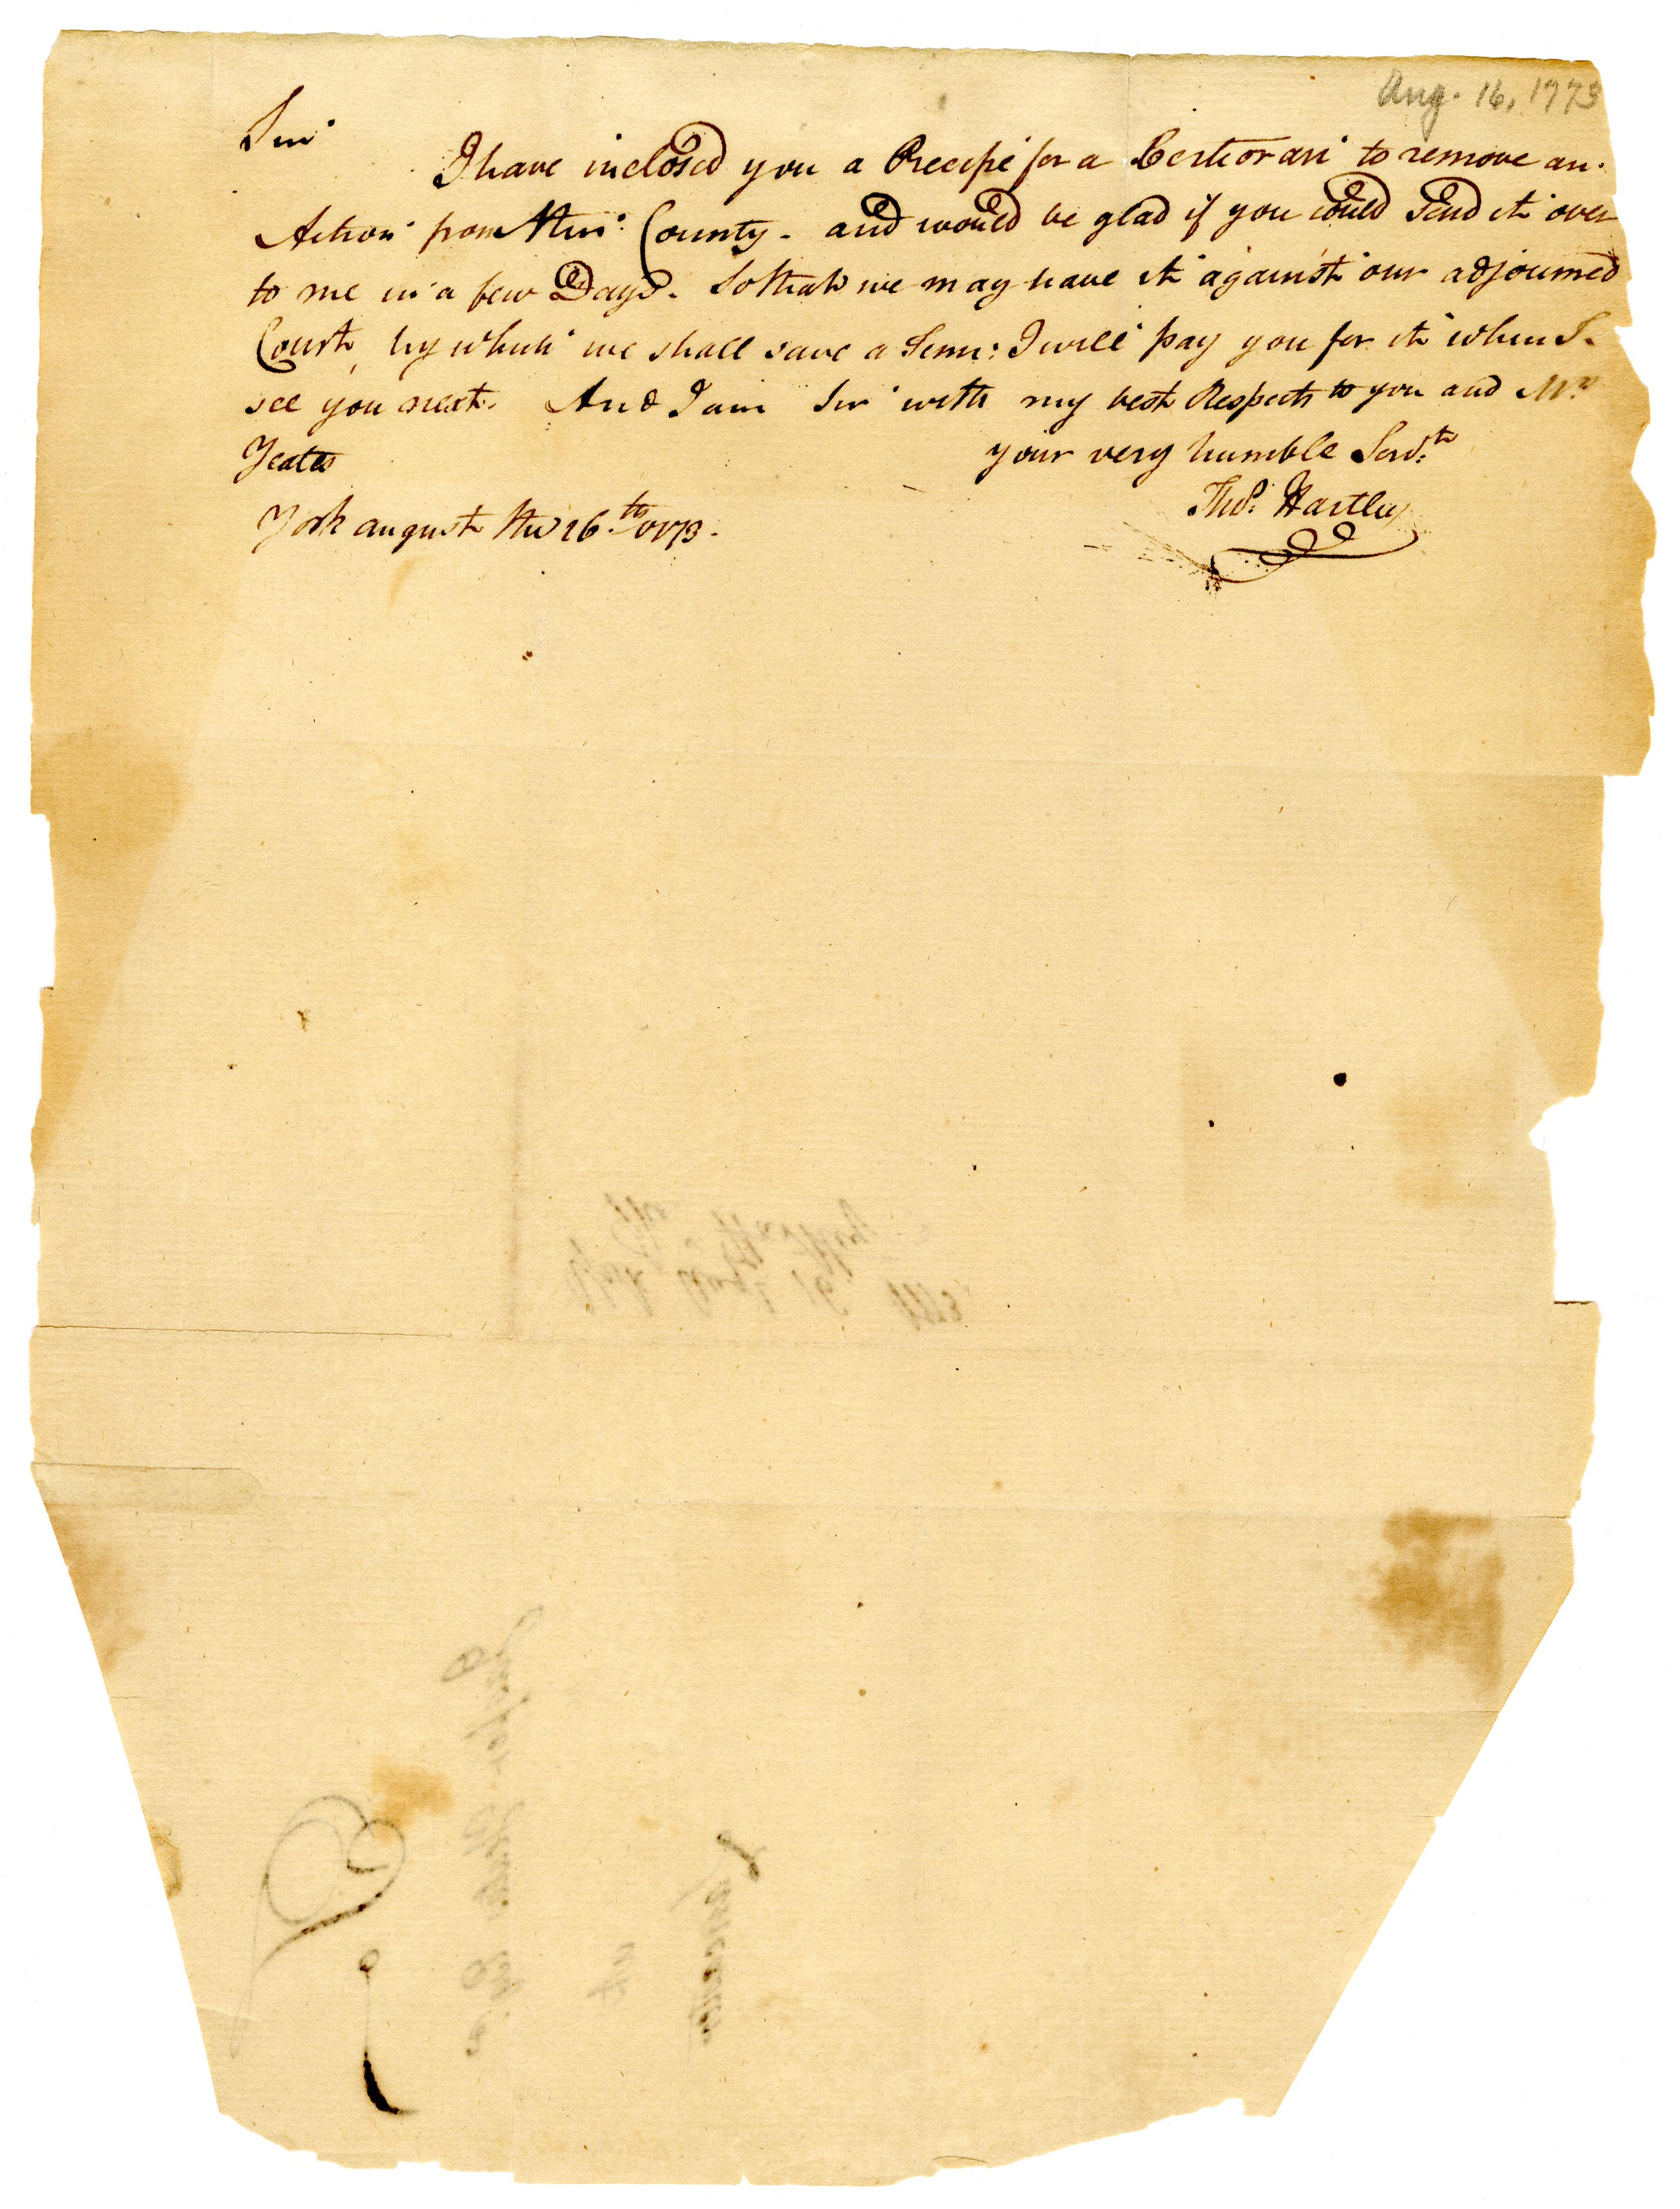Sir
I have inclosed you a Recipe for a Certiorari to remove an
Action from this County, and would be glad if you could send it over
to me in a few Days. So that we may have it against our adjourned
Court, by which we shall save a Tem: I will pay you for it which
see you start. And I am Sir with my best Respects to you and M^rs.
Yeates
your very humble Serv^t
Tho^s. Hartley
York august the 16^th 1773